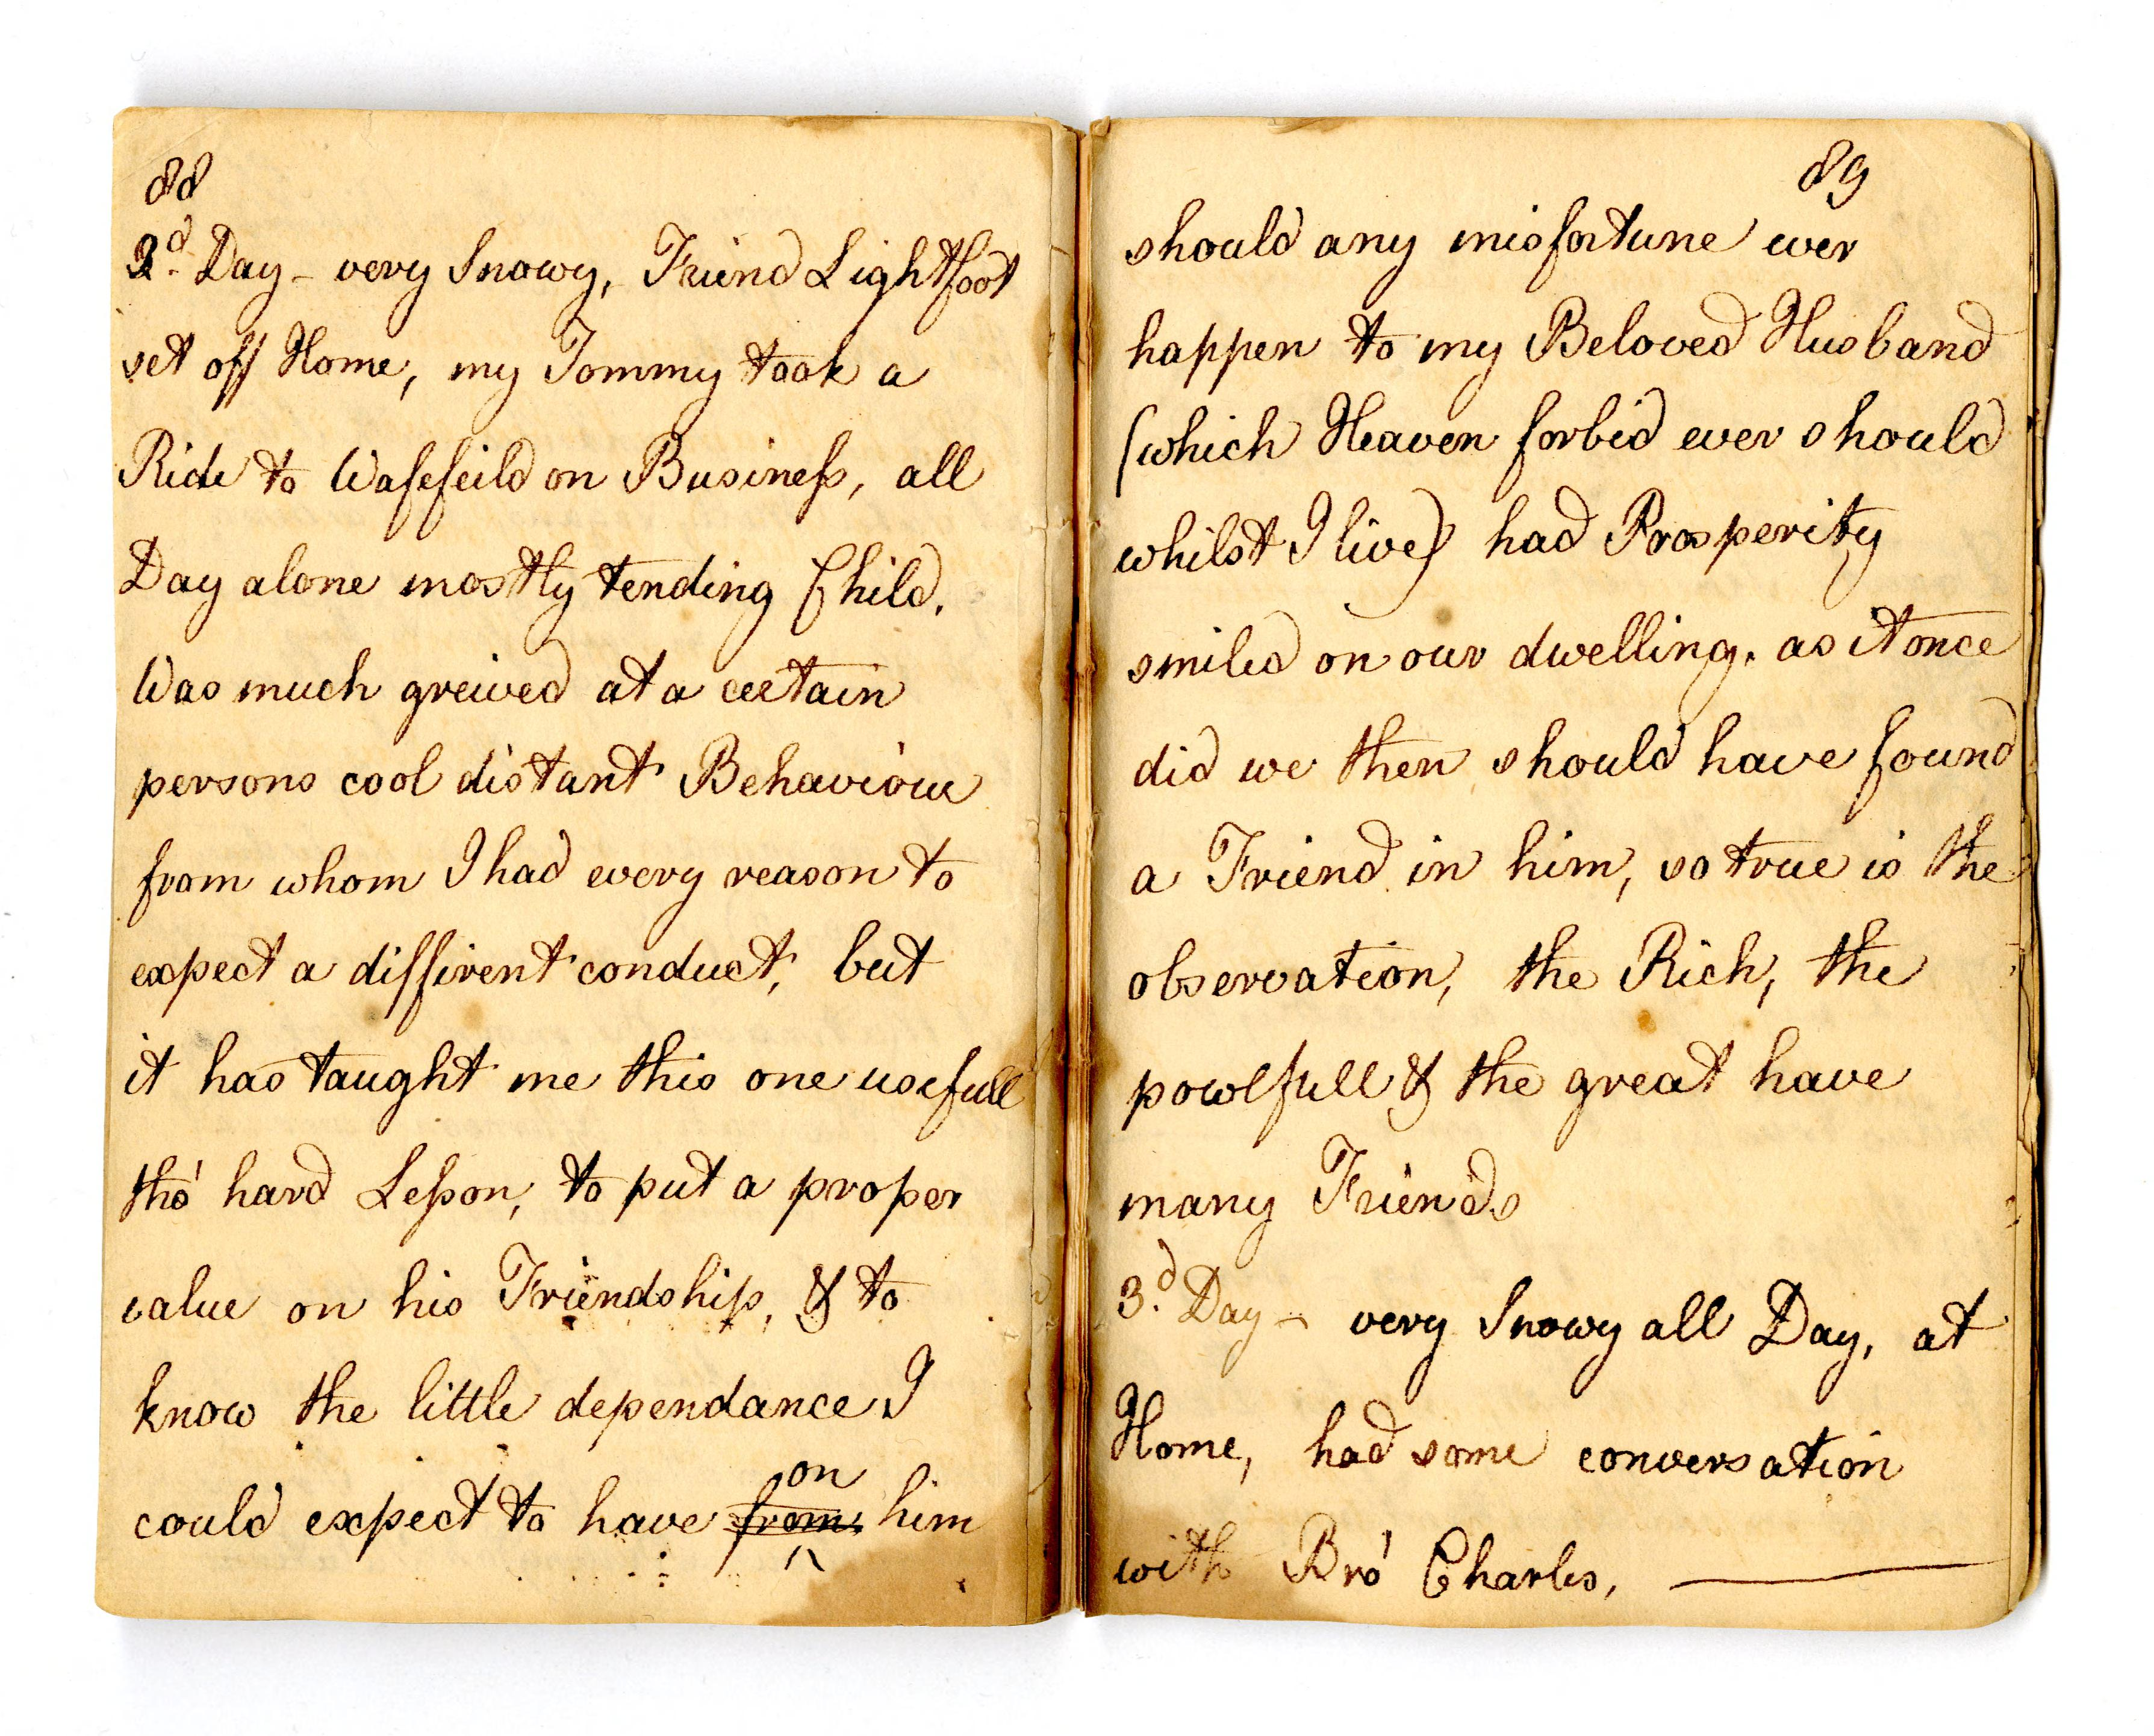3^d. Day- very Snowy, Friend Lightfoot
set off Home, my Tommy took a
Ride to Wafefeild on Business, all
Day alone mostly tending Child.
Was much greived at a certain
persons cool distant Behaviour
from whom I had every reason to
expect a diffirent conduct, but
it has taught me this one usefull
tho' hard Lesson, to put a proper
value on his Friendship, & to
know the little dependance I
on
could expect to have from ^ him
should my misfortune ever
happen to my Beloved Husband
(which Heaven forbid ever should
whilst I live) had Prosperity
smiled on our dwelling, as it once
did we then should have found
a Friend in him, so true is the
observation, the Rich, the
powerfull & the great have
many Friends
3^d. Day- very Snowy all Day, at
Home, had some conversation
with Bro' Charles,